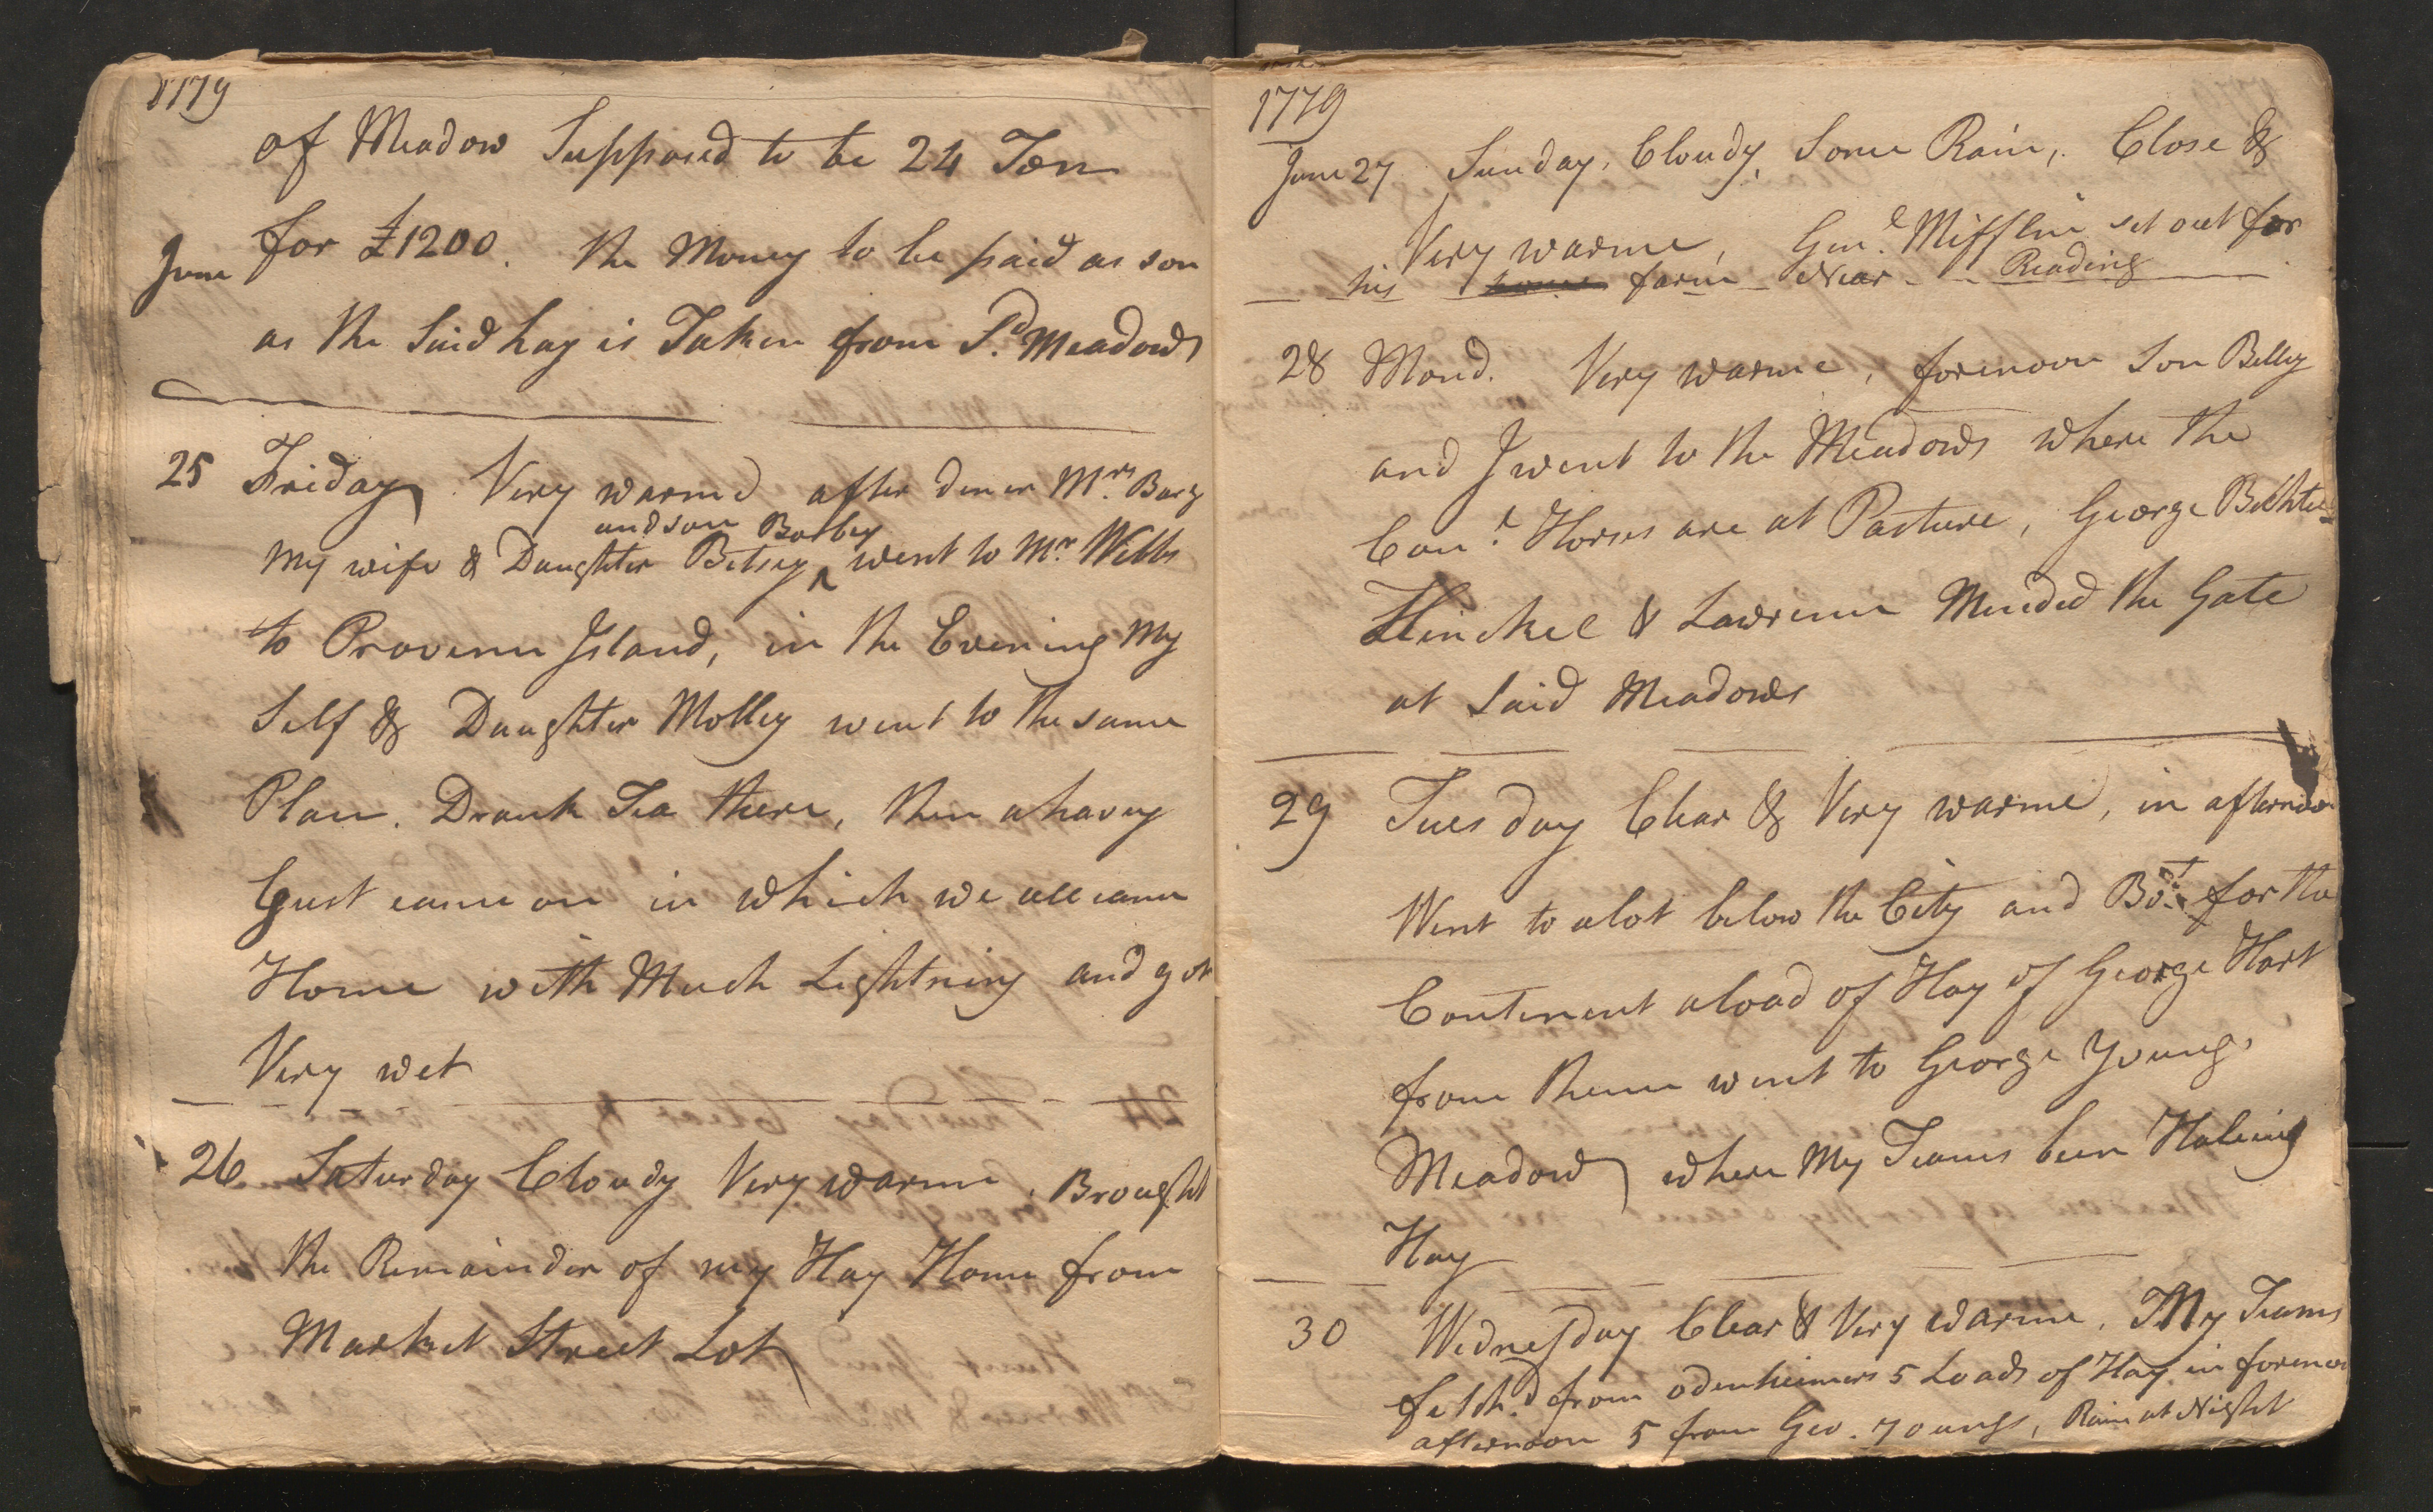1779
June
of Meadow Supposed to be 24 Ton
for £1200. the Money to be paid as son
as the said hay is Taken from s^d. Meadows
25 Friday Very warme after diner M^rs. Barg
and son Bobby
My wife & Daughter Betsey ^ went to M^r. Webbs
to Province Island, in the Evening My
Self & Daughter Molley went to the same
Place. Drank Tea there, there a havey
Gust came on in which we all came
Home with Much Lightning and got
Very wet
26 Saturday Cloydy Very warm Brought
the Remainder of my Hay Home from
Market Street Lot
1779
June 27 Sunday Cloudy Some Raine, Close &
Very warme, Gen^l. Mifflin set out for
his [______] farm Near Reading
28 Mond. Very warme, forenoon Son Billy
and I went to the Meadows where the
Con^l. Horses are at Pasture, George Bechtel
Hinckel & Lawrence mended the Gate
at said Meadows
29 Tuesday Clear & Veny warme, in afternoon
Went to a lot below the City and Bo^t. for the
Continent a load of Hay of George Hart
fron thence went to George Youngs
Meadow when My Teams been Haling
Hay
30 Wednesday Clear & Very Warme, My Teams
fetch'd frou odenheimers 5 Loads of Hay. in fornoon
afternoon 5 from Gen. youngs, Rain at Night